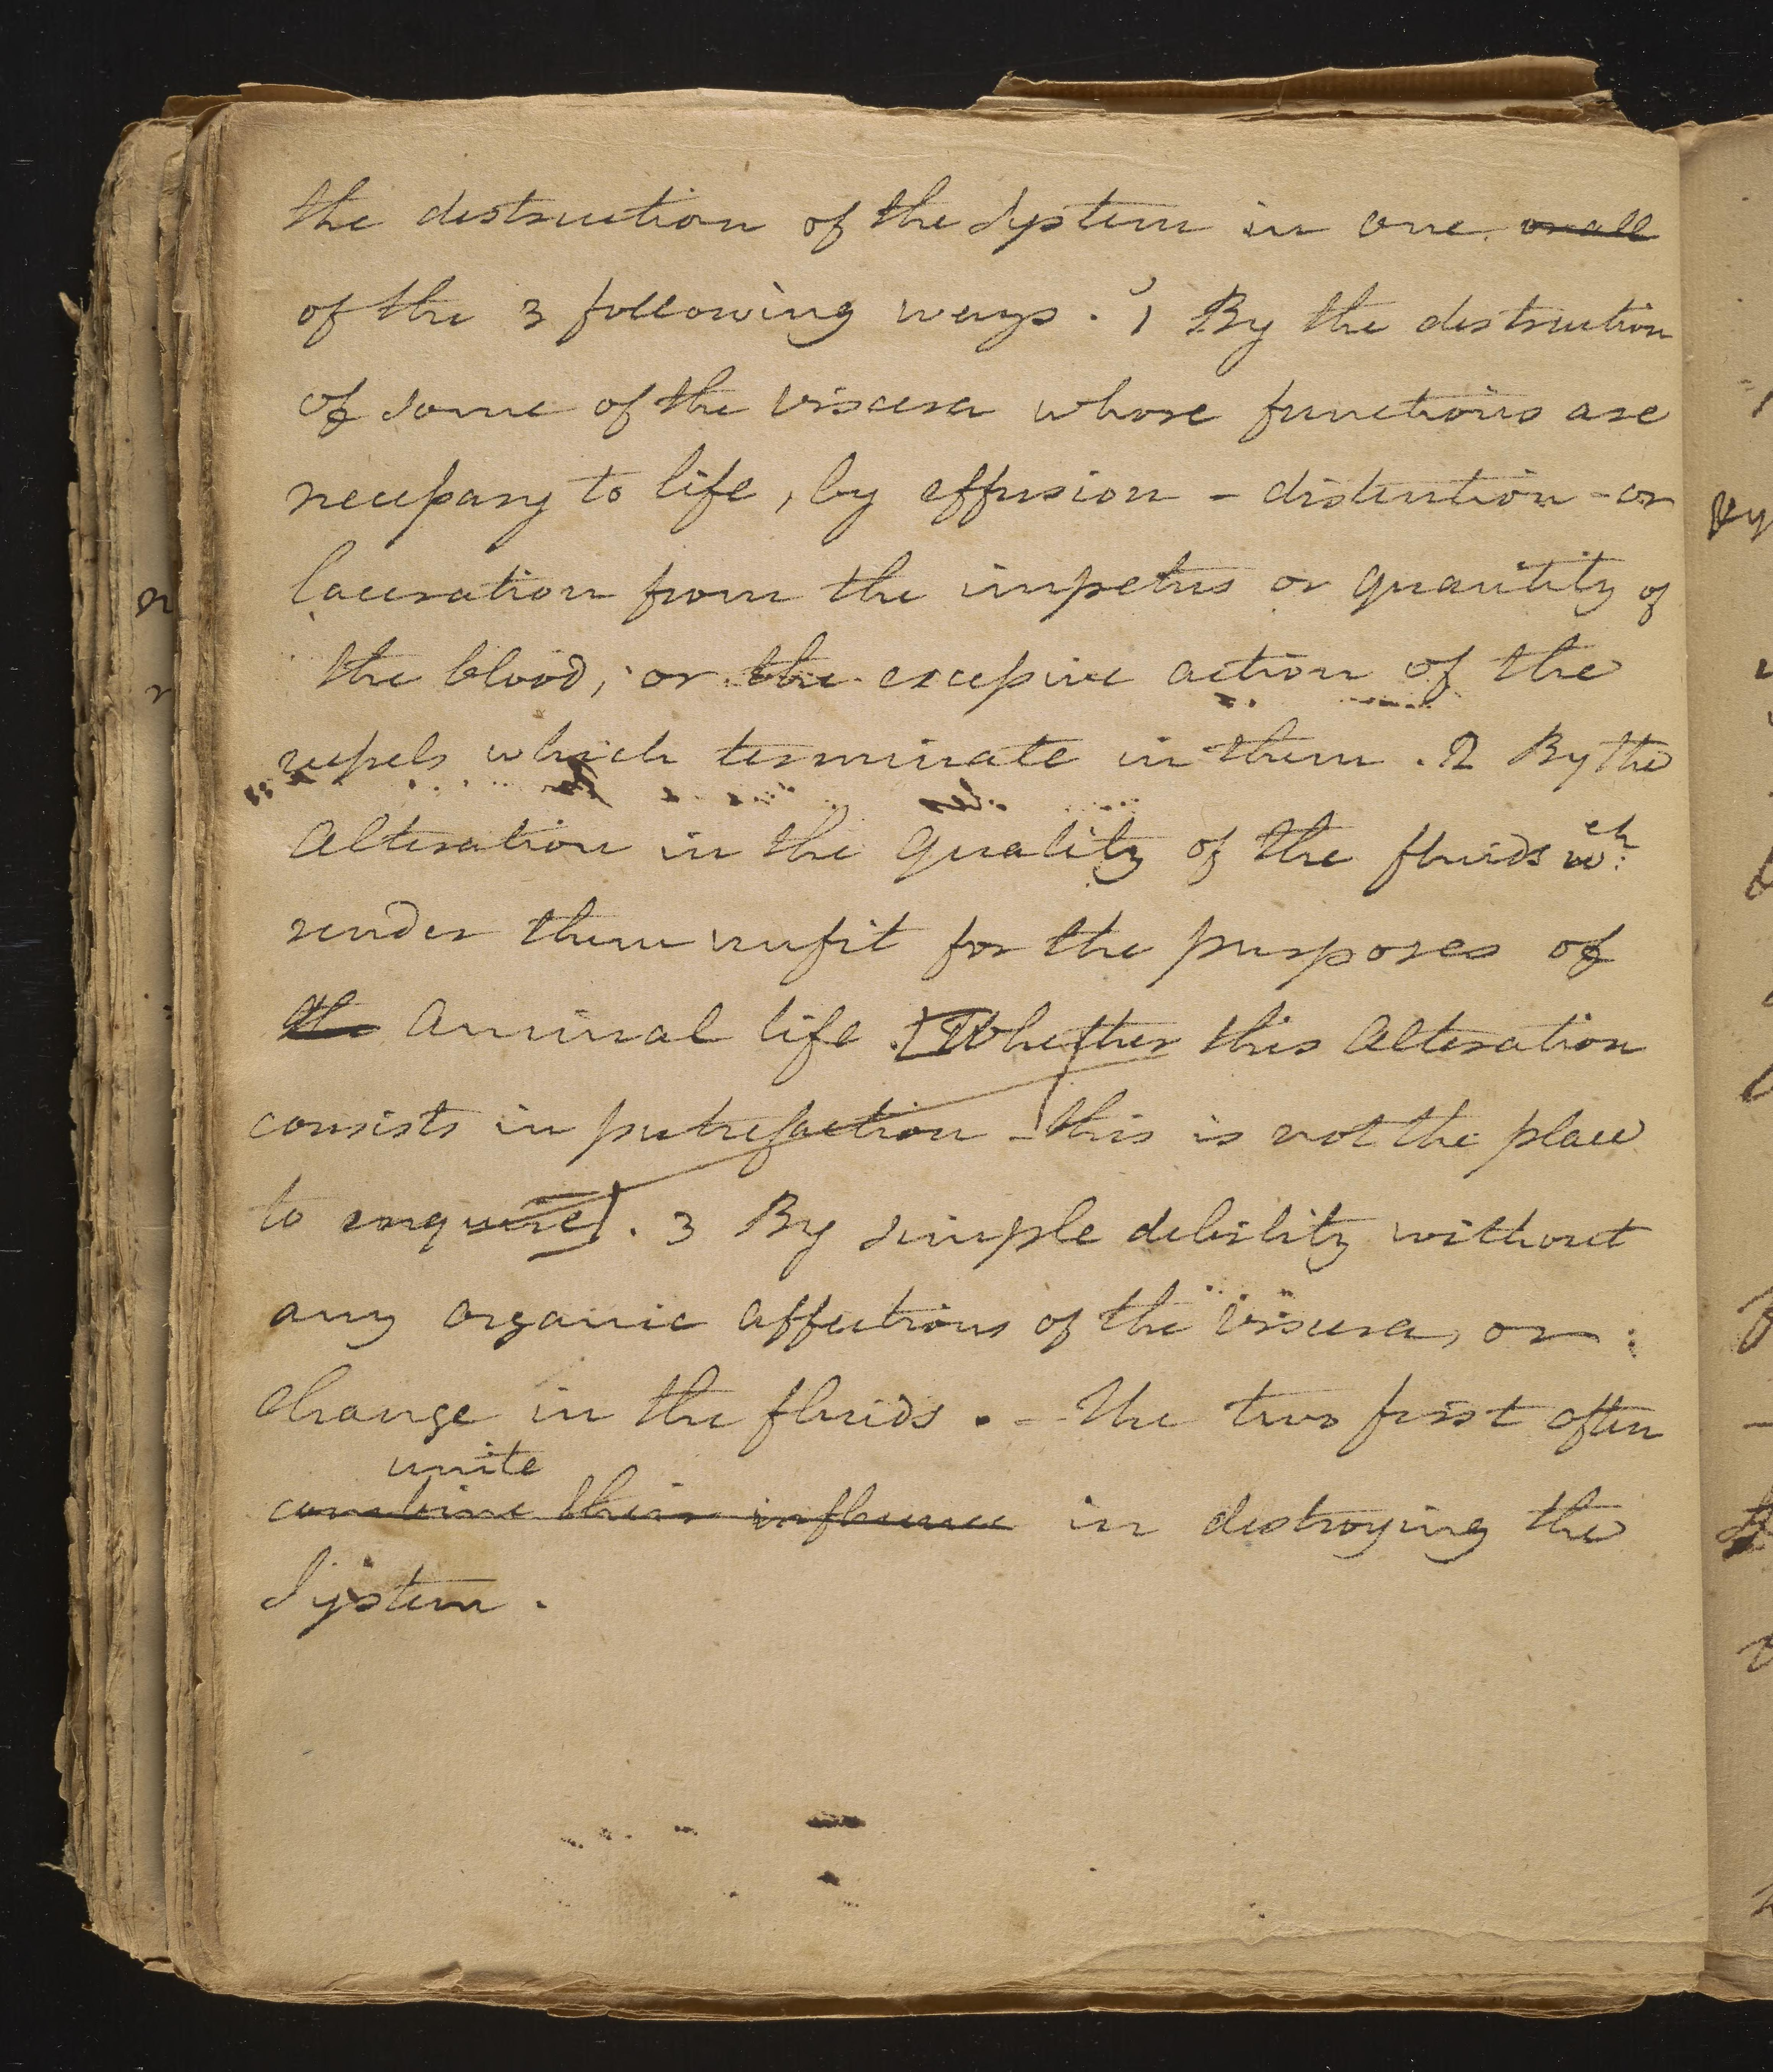the destruction of the System in one [or all]
of the 3 following ways. 1 By the destruction
of some of the viscera whose functions are
necessary to life, by effusion- distintion- or
laceration from the impetus or quantity of
the blood, or the excessive action of the
excess which terminate in them. 2 By the
alteration in the quality of the fluids w^ch
render them unfit for the purposes of
Animal life. (Whether this alteration
consists in putrefaction- this is not the place
to enquire). 3 By simple debility without
any organic affections of the viscera or
change in the fluids. The two first often
unite
[combine their influence] in destroying the
System.